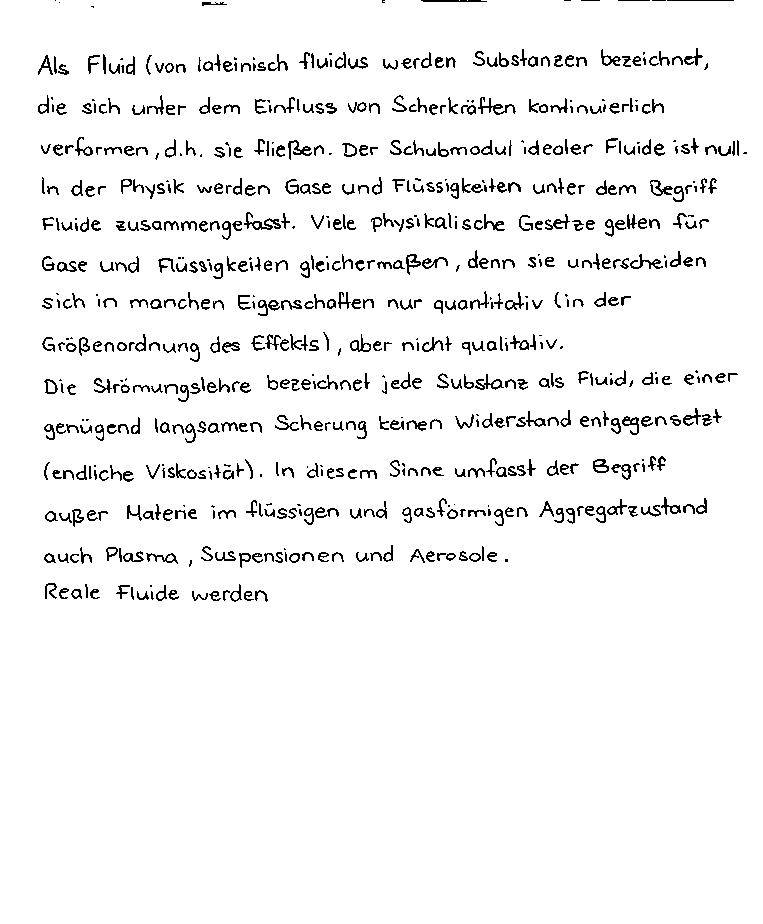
Als Fluid (von lateinisch fluidus werden Substanzen bezeichnet,
die sich unter dem Einfluss von Scherkräften kontinuierlich
verformen, d. h. sie fließen. Der Schubmodul idealer Fluide ist null.
In der Physik werden Gase und Flüssigkeiten unter dem Begriff
Fluide zusammengefasst. Viele physikalische Gesetze gelten für
Gase und Flüssigkeiten gleichermaßen, denn sie unterscheiden
sich in manchen Eigenschaften nur quantitativ (in der
Größenordnung des Effekts), aber nicht qualitativ.
Die Strömungslehre bezeichnet jede Substanz als Fluid, die einer
genügend langsamen Scherung keinen Widerstand entgegensetzt
(endliche Viskosität). In diesem Sinne umfasst der Begriff
außer Materie im flüssigen und gasförmigen Aggregatzustand
auch Plasma, Suspensionen und Aerosole.
Reale Fluide werden
